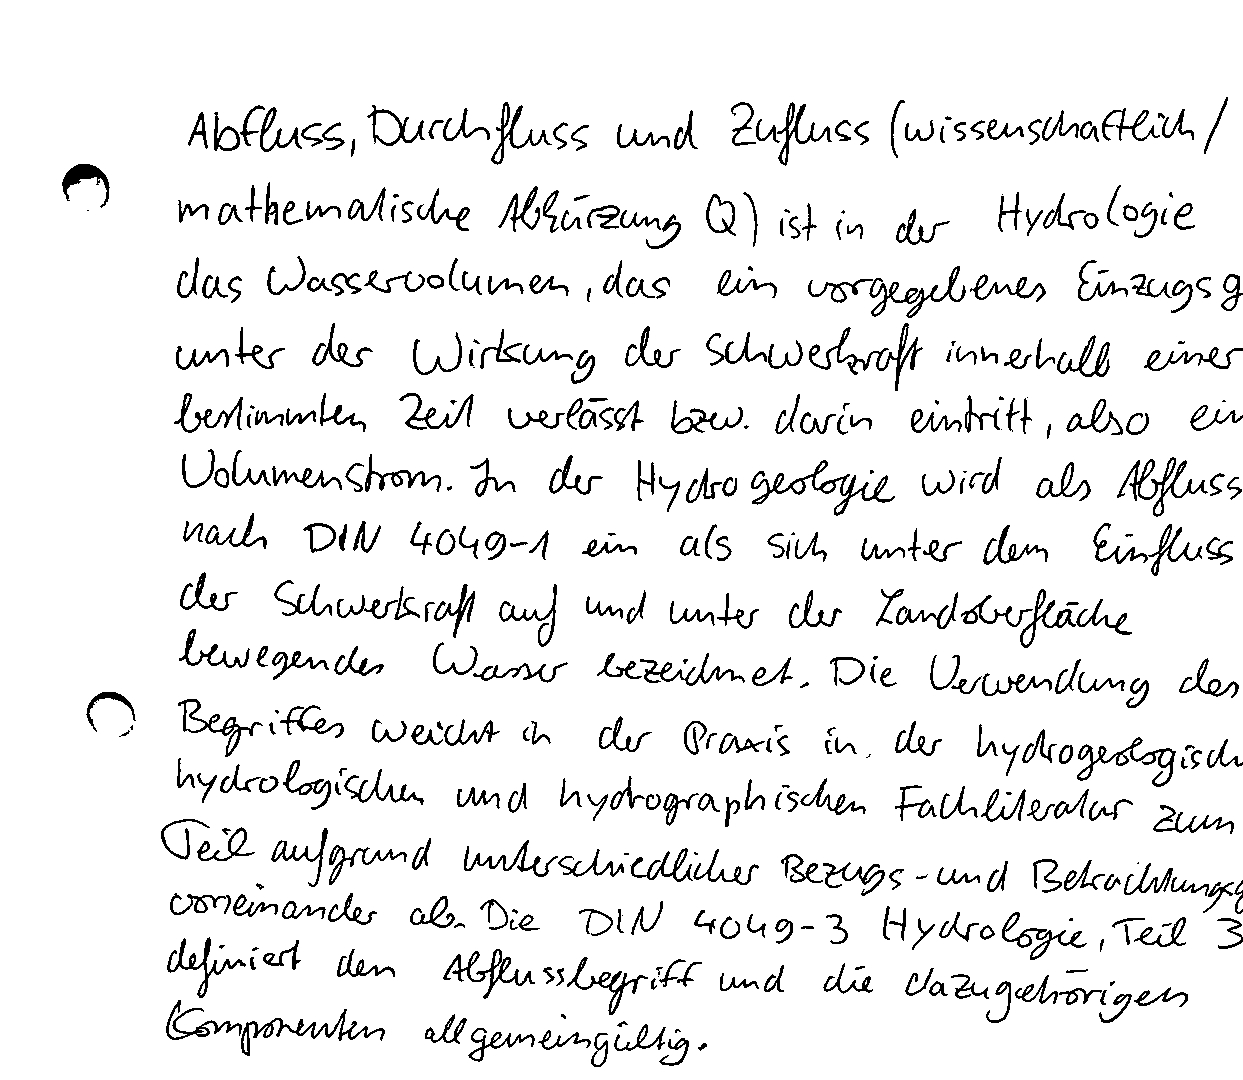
Abfluss, Durchfluss und Zufluss (wissenschaftlich/
mathematische Abkürzung Q) ist in der Hydrologie
das Wasservolumen, das ein vorgegebenes Einzugs
unter der Wirkung der Schwerkraft innerhalb einer
bestimmten Zeit verlässt bzw. darin eintritt, also ein
Volumenstrom. In der Hydrogeologie wird als Abfluss
nach DIN 4049-1 ein als sich unter dem Einfluss
der Schwerkraft auf und unter der Landoberfläche
bewegendes Wasser bezeichnet. Die Verwendung des
Begriffes Weicht in der Praxis in der hydrogeologischen
hydrologischen und hydrographischen Fachliteratur zum
Teil aufgrund unterschiedlicher Bezugs-und Betrachtungsgrößen
voneinander ab. Die DIN 4049-3 Hydrologie, Teil 3
definiert den Abflussbegriff und die dazugehörigen
Komponenten allgemeingültig.
